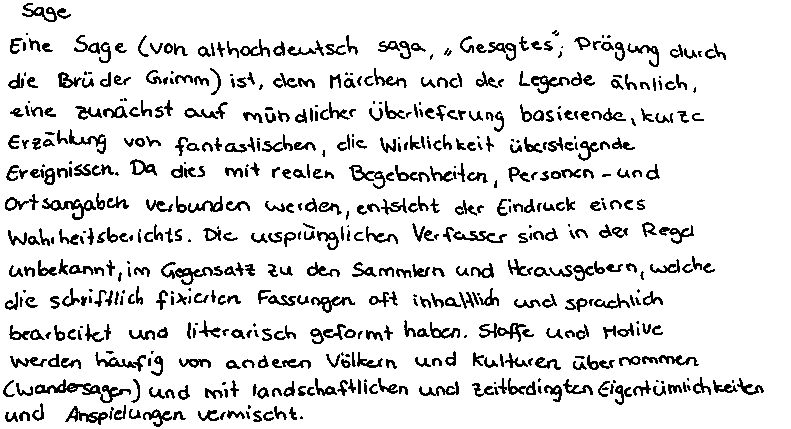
Sage
Eine Sage (von althochdeutsch saga, "Gesagtes"; Prägung durch
die Brüder Grimm) ist, dem Märchen und der Legende ähnlich,
eine zunächst auf mündlicher Überlieferung basierende, kurze
Erzählung von fantastischen, die Wirklichkeit übersteigende
Ereignissen. Da diese mit realen Begebenheiten, Personen- und
Ortsangaben verbun den werden, entsteht der Eindruck eines
Wahrheitsberichts. Die ursprünglichen Verfasser sind in der Regel
unbekannt, im Gegensatz zu den Sammlern und Herausgebern, welche
die schriftlich fixierten Fassungen oft inhaltlich und sprachlich
bearbeitet und literarisch geformt haben. Stoffe und Motive
werden häufig von anderen Völkern und Kulturen übernommen
(Wandersagen) und mit landschaftlichen und zeitbedingten Eigentümlichkeiten
Und Anspielungen vermischt.
